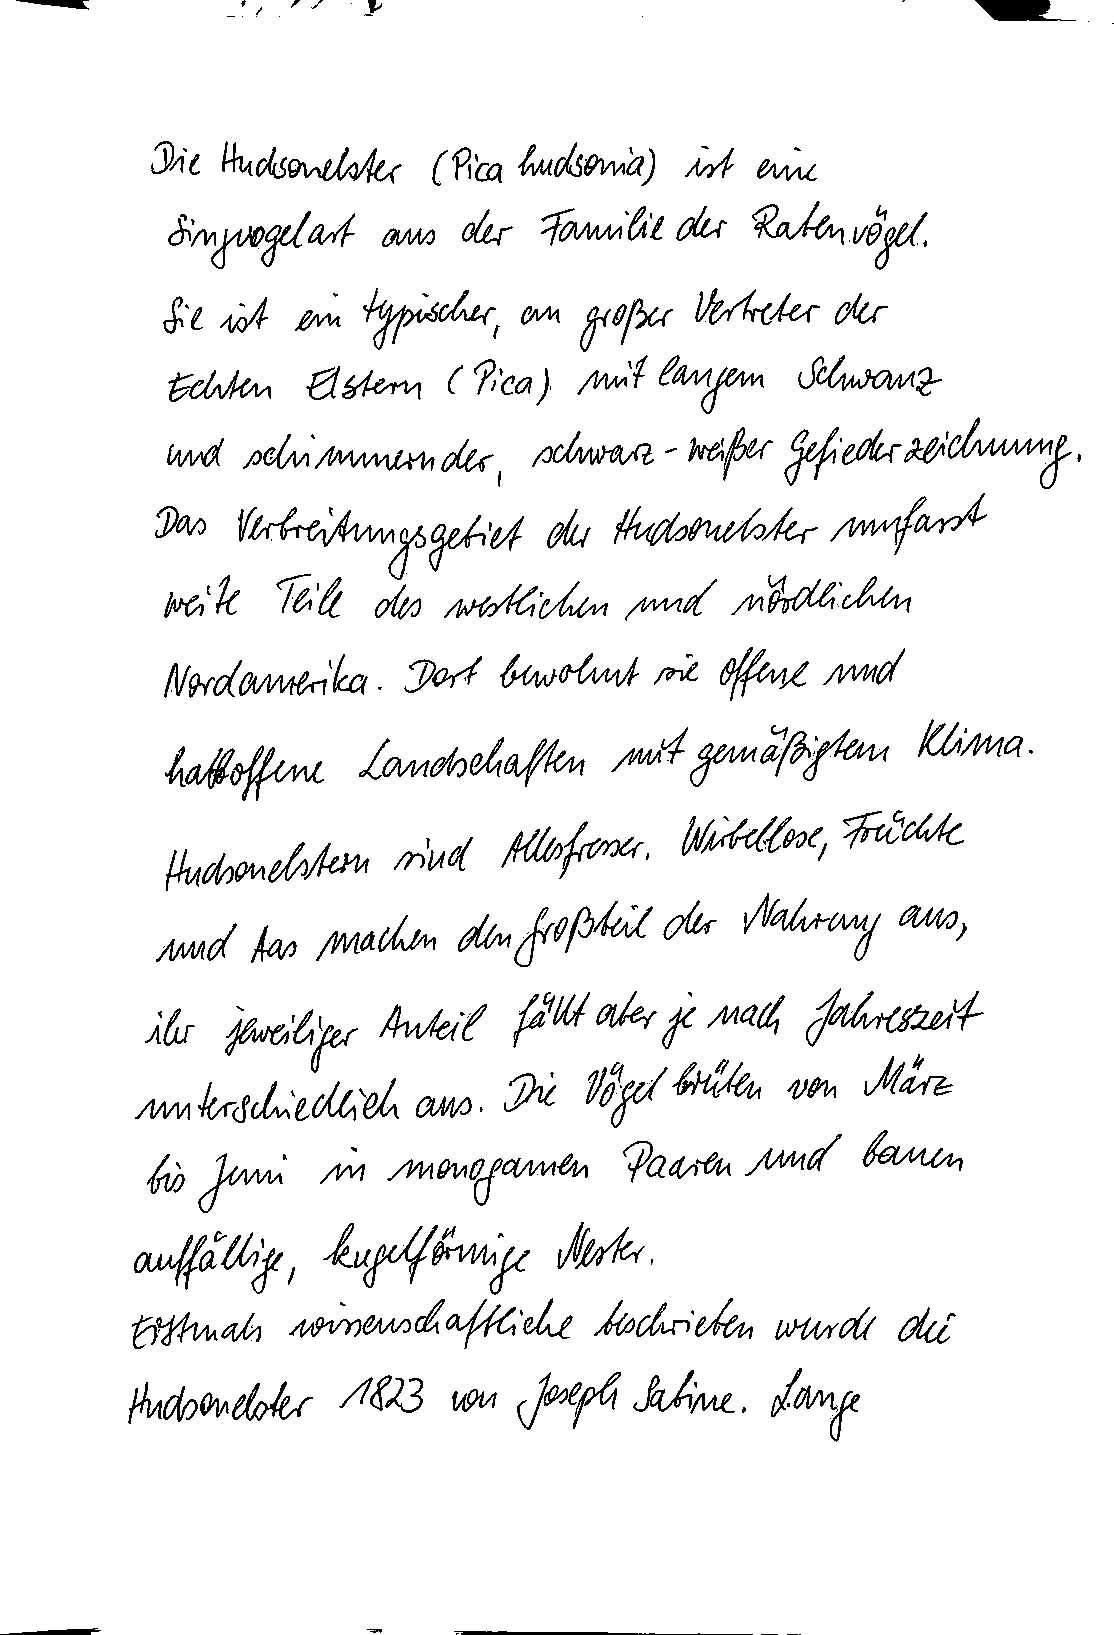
Die Hudsonelster (Pica hudsonia) ist eine
Singvogelart aus der Familie der Rabenvögel.
Sie ist ein typischer, cm großer Vertreter der
Echten Elstern (Pica) mit langem Schwanz
und schimmernder, schwarz-weißer Gefiederzeichnung.
Das Verbreitungsgebiet der Hudsonelster umfasst
weite Teile des westlichen und nördlichen
Nordamerika. Dort bewohnt sie offene und
halboffene Landschaften mit gemäßigtem Klima.
Hudsonelstern sind Allesfresser. Wirbellose, Früchte
und Aas machen den Großteil der Nahrung aus,
ihr jeweiliger Anteil fällt aber je nach Jahreszeit
unterschiedlich aus. Die Vögel brüten von März
bis Juni in monogamen Paaren und bauen
auffällige, kugelförmige Nester.
Erstmals wissenschaftlich beschrieben wurde die
Hudsonelster 1823 von Joseph Sabine. Lange
